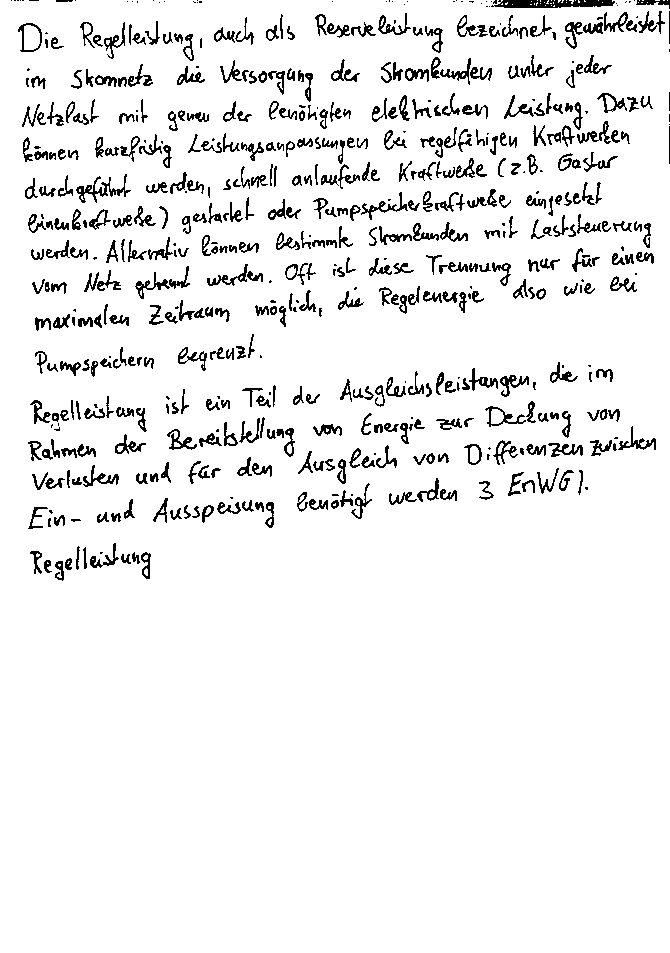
Die Regelleistung, auch als Reserveleistung bezeichnet, gewährleistet
im Stromnetz die Versorgung der Stromkunden unter jeder
Netzlast mit genau der benötigten elektrischen Leistung. Dazu
können kurzfristig Leistungsanpassungen bei regelfähigen Kraftwerken
durchgeführt werden, schnell anlaufende Kraftwerke (z. B. Gastur
binenkraftwerke) gestartet oder Pumpspeicherkraftwerke eingesetzt
werden. Alternativ können bestimmte Stromkunden mit Laststeuerung
vom Netz getrennt werden. Oft ist diese Trennung nur für einen
maximalen Zeitraum möglich, die Regelenergie also wie bei
Pumpspeichern begrenzt.
Regelleistung ist ein Teil der Ausgleichsleistungen, die im
Rahmen der Bereitstellung von Energie zur Deckung von
Verlusten und für den Ausgleich von Differenzen zwischen
Ein- und Ausspeisung benötigt werden 3 EnWG).
Regelleistung
